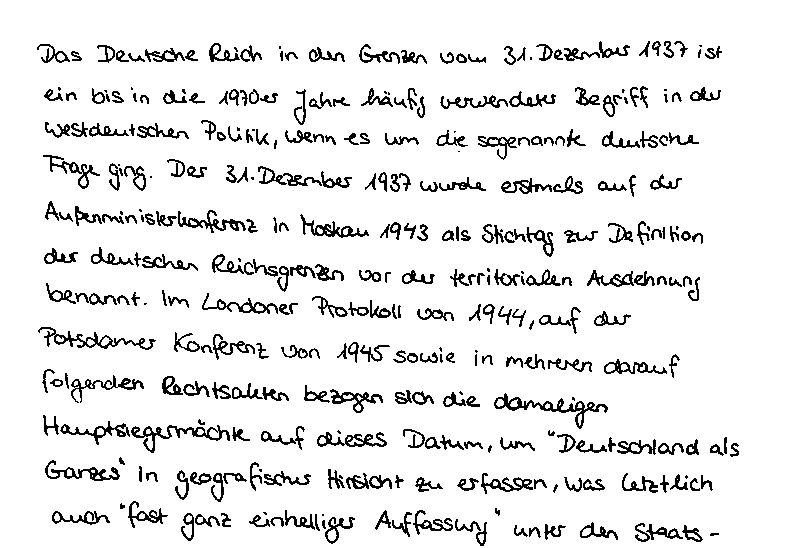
Das Deutsche Reich in den Grenzen vom 31. Dezember 1937 ist
ein bis in die 1970er Jahre häufig verwendeter Begriff in der
westdeutschen Politik, wenn es um die sogenannte deutsche
Frage ging. Der 31. Dezember 1937 wurde erstmals auf der
Außenministerkonferenz in Moskau 1943 als Stichtag zur Definition
der deutschen Reichsgrenzen vor der territorialen Ausdehnung
benannt. Im Londoner Protokoll von 1944, auf der
Potsdamer Konferenz von 1945 sowie in mehreren darauf
folgenden Rechtsakten bezogen sich die damaligen
Hauptsiegermächte auf dieses Datum, um "Deutschland als
Ganzes" in geografischer Hinsicht zu erfassen, was letztlich
auch "fast ganz einhelliger Auffassung" unter den Staats-
